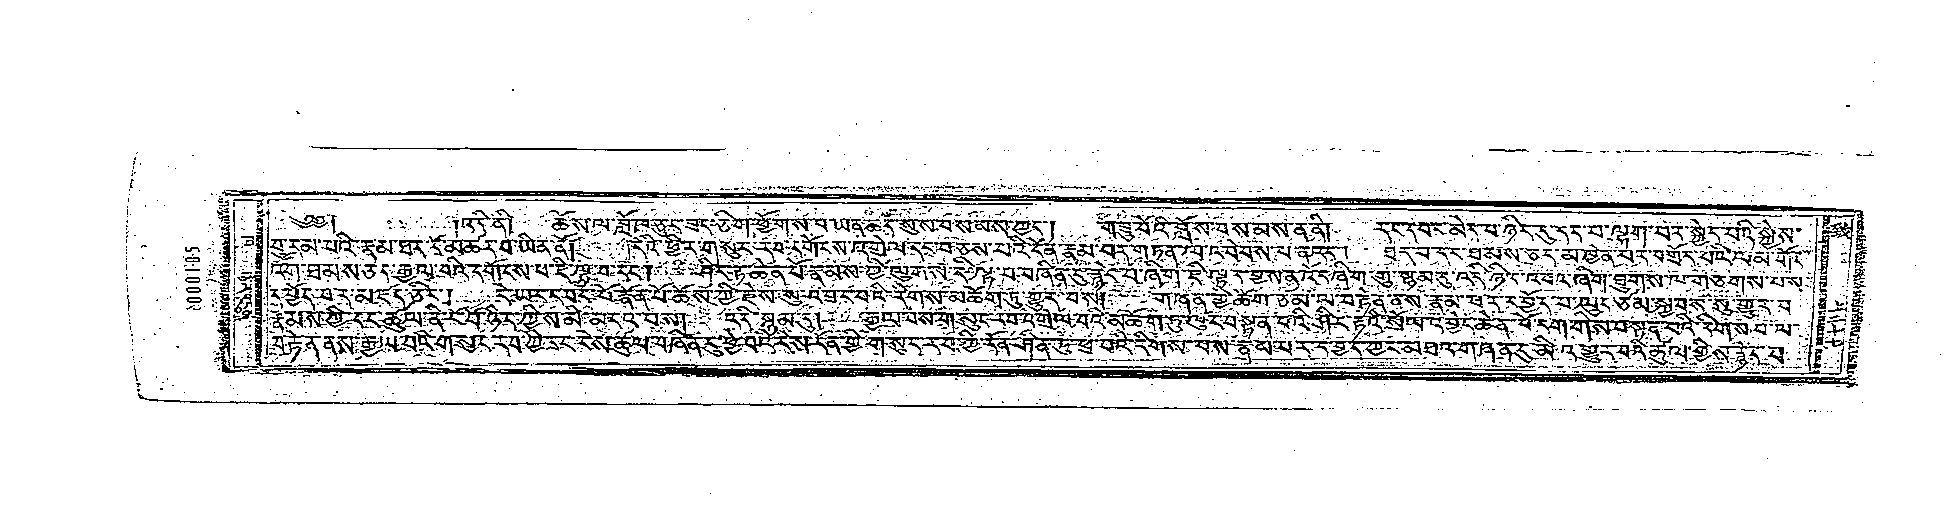༄༅། །འདི་ནི། ཆོས་ལ་བློ་ཁ་ཅུང་ཟད་ཅིག་ཕྱོགས་པ་ཡན་ཆད་སུས་བསམས་ཀྱང་། གཟུ་བོའི་བློས་བསམས་ན་ནི། རང་དབང་མེད་པ་ཉིད་དུ་དད་པ་ལྷག་པར་སྐྱེད་པའི་སྐྱེས་
བུ་དམ་པའི་རྣམ་ཐར་ངོ་མཚར་བ་ཡིན་ནོ། །དེའི་ཕྱིར་གསུང་རབ་དགོངས་འགྲེལ་དང་བཅས་པའི་དོན་རྣམ་པར་གཏན་ལ་འབེབས་པ་ནའང་། ཐར་པ་དང་ཐམས་ཅད་མཁྱེན་པར་བགྲོད་པའི་ལམ་གོང་
འོག་ཐམས་ཅད་རྒྱལ་བའི་དགོངས་པ་ཇི་ལྟ་བ་དང་། ཤིང་རྟ་ཆེན་པོ་རྣམས་ཀྱི་ལུགས་དི་ལྟ་པ་བཞིན་དུ་རྙེད་བ་ཞིག་ཇི་ལྟར་བྱས་ན་འོད་ཞིག་གུ་སྙམ་དུ་འདི་ཉིད་འབའ་ཞིག་ཐུགས་ལ་གཅགས་པས་
དཔྱོད་པར་མཛད་ཅིང་། དེ་ཡང་དབང་པོ་རྣོན་པོ་ཆོས་ཀྱི་རྗེས་སུ་འབྲང་བའི་རིགས་མཆོག་ཏུ་གྱུར་བས། གཞན་གྱི་ཚིག་ཙམ་ལ་བརྟེན་ནས་རྣམ་པར་དཔྱོད་པ་ལུང་ཙམ་སྐྱབས་སུ་གྱུར་བ་
རྣམས་ཀྱི་ངང་ཚུལ་ནི་ངོ་བོ་ཉིད་ཀྱིས་མི་མངའ་པས། འདི་སྙམ་དུ། རྒྱལ་བས་གསུང་རབ་འགྲེལ་བའི་མཆོག་ཏུ་ལུང་བསྟན་བའི་ཤིང་རྟའི་སྲོལ་འབྱེད་ཆེན་པོ་དག་གིས་བསྟན་པའི་རིགས་པ་ལ་
བརྟེན་ནས་རྒྱལ་བའི་གསུང་རབ་ཀྱི་དྲང་ངེས་ཚུལ་བཞིན་དུ་ཕྱེ་བའི་དེས་དོན་གྱི་གསུང་རབ་ཀྱི་དོན་ཤིན་ཏུ་ཕྲ་བའི་རིགས་པས་རྣམ་པར་དབྱད་ཀྱང་མཐའ་གཞན་དུ་མི་འགྱུར་བའི་ཚུལ་གྱིས་རྙེད་པ་